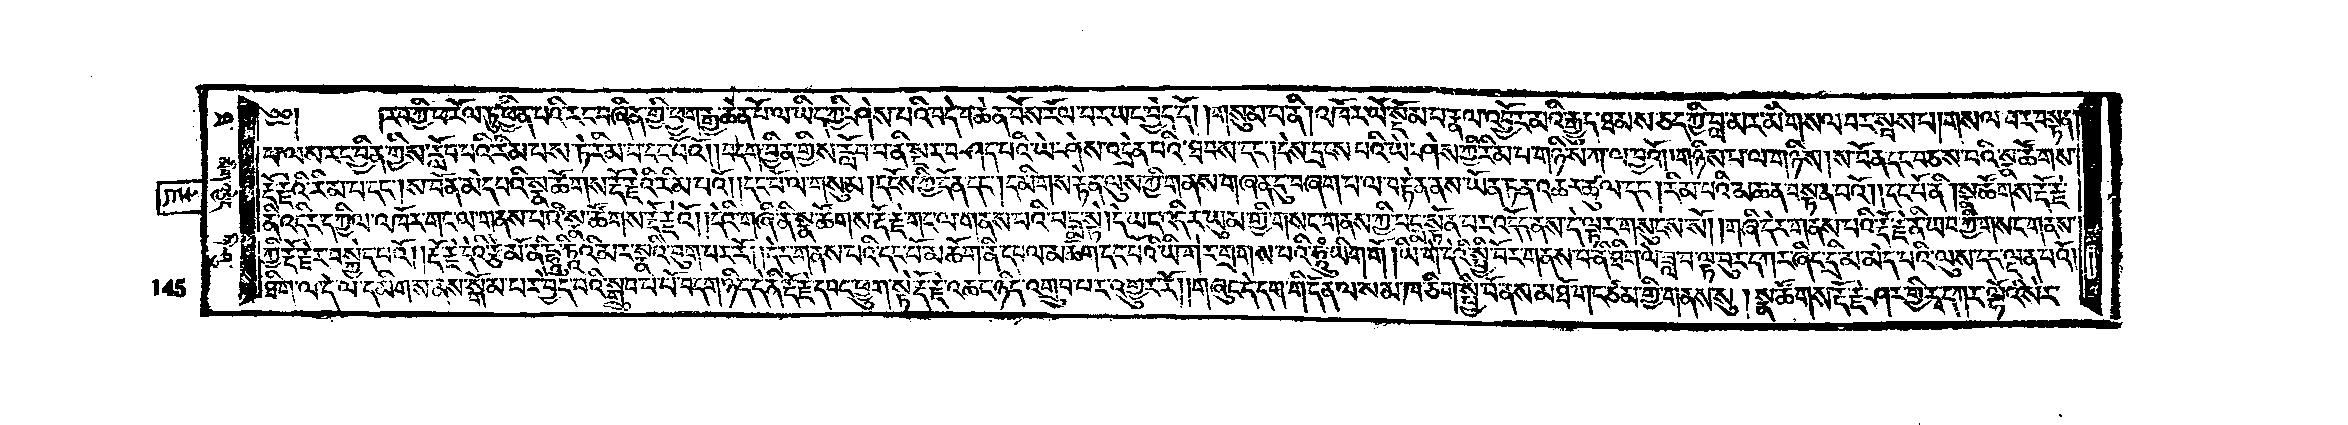༄༅། །རབ་ཀྱི་ཕ་རོལ་ཏུ་ཕྱིན་པའི་རང་བཞིན་གྱི་ཕྱག་རྒྱ་ཆེན་པོ་ལ་ཡིད་ཀྱི་ཤེས་པའི་བདེ་བ་ཆེན་པོས་རོལ་པར་ཡང་བྱེད་དོ། །གསུམ་པ་ནི། འཁོར་ལོ་སྡོམ་པ་རྣལ་འབྱོར་མའི་རྒྱུད་ཐམས་ཅད་ཀྱི་བླ་མར་མི་གསལ་བར་སྦས་པ། གསལ་བར་བསྟན་
པ་ལས་རང་བྱིན་གྱིས་རློབ་པའི་རིམ་པས་ཏེ་རིམ་པ་དང་པོའོ། །བདག་བྱིན་གྱིས་རློབ་པ་ནི་སྔར་བཤད་པའི་ཡེ་ཤེས་འདྲེན་པའི་ཐབས་དང་། དེས་དྲངས་བའི་ཡེ་ཤེས་ཀྱི་རིམ་པ་གཉིས་ཀ་ལ་བྱའོ། །གཉིས་པ་ལ་གཉིས། ས་བོན་དང་བཅས་པའི་སྣ་ཚོགས་
རྡོ་རྗེའི་རིམ་པ་དང་། ས་བོན་མེད་པའི་སྣ་ཚོགས་རྡོ་རྗེའི་རིམ་པའོ། །དང་པོ་ལ་གསུམ། དངོས་ཀྱི་དོན་དང་། དམིགས་རྟེན་ལུས་ཀྱི་གནས་གཞན་དུ་བཞག་པ་ལ་བརྟེན་ནས་ཡོན་ཏན་འཆད་ཚུལ་དང་། རིམ་པའི་མཚན་བསྟན་པའོ། །དང་པོ་ནི། སྣ་ཚོགས་རྡོ་རྗེ་
ནི་འདིར་དཀྱིལ་འཁོར་གང་ལ་གནས་པའི་སྣ་ཚོགས་རྡོ་རྗེའོ། །དེའི་གཞི་ནི་སྣ་ཚོགས་རྡོ་རྗེ་གང་ལ་གནས་པའི་པདམ་སྟེ། དེ་ཡང་འདིར་ཡུལ་གྱི་གསང་གནས་ཀྱི་པདམ་སྟོན་པར་འདོད་ནས་དེ་ལྟར་གསུངས་སོ། །གཞི་དེར་གནས་པའི་རྡོ་རྗེ་ནི་ཡབ་ཀྱི་གསང་གནས་
ཀྱི་རྡོ་རྗེར་བསྐྱེད་པའོ། །རྡོ་རྗེ་དེའི་རྩེ་མོ་ནི་དྷཱུ་ཏཱིའི་མར་སྣའི་བུག་པར་རོ། །དེར་གནས་པའི་དང་པོ་མཆོག་ནི་དཔལ་མཆོག་དང་པོའི་ཡི་གེར་གྲགས་པའི་ཧཱུཾ་ཡིག་གོ། ཡི་གེ་དེའི་སྤྱི་བོར་གནས་པ་ནི་ཐིག་ལེ་ཟླ་བ་ལྟ་བུར་དཀར་ཞིང་དྲི་མ་མེད་པའི་ལུས་དང་ལྡན་པའོ། །
ཐིག་ལེ་དེ་ལ་དམིགས་ནས་སྒོམ་པར་བྱེད་པའི་སྒྲུབ་པ་པོ་བདག་ཉིད་དེ་ནི་རྡོ་རྗེ་དབང་ཕྱུག་སྟེ་རྡོ་རྗེ་འཆང་ཉིད་འགྲུབ་པར་འགྱུར་རོ། །གཞུང་དེ་དག་གི་དོན་ལ་སྔ་མ་ཁ་ཅིག་སྤྱི་བོ་ནས་མཐོ་གང་ཙམ་གྱི་གནས་སུ། སྣ་ཚོགས་རྡོ་རྗེ་ཤར་གྱི་རྭ་དཀར་ལྷོའི་སེར་